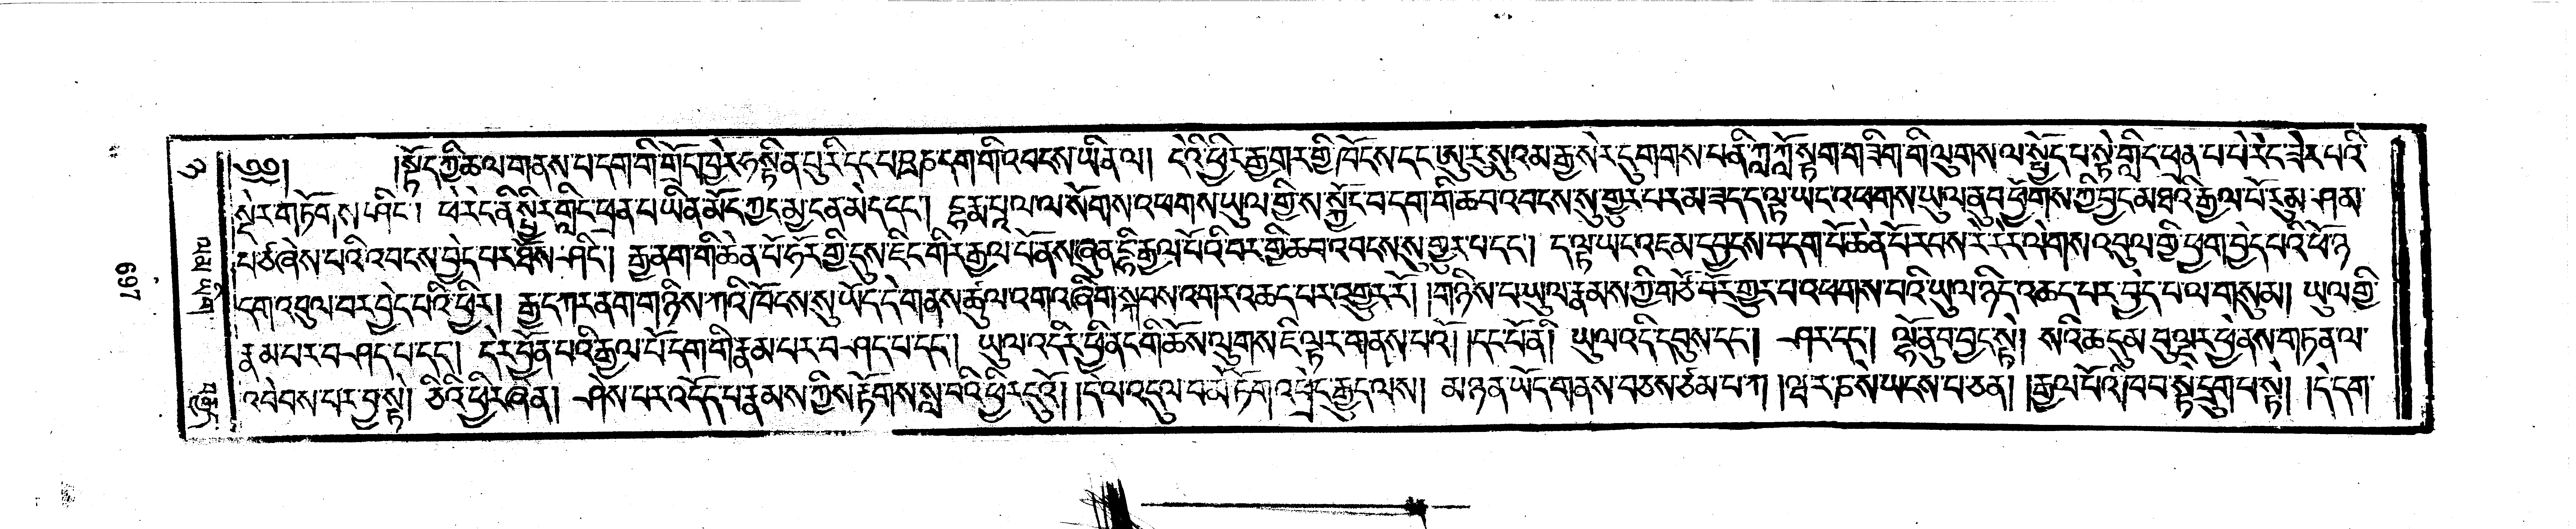༄༅། །སྟོད་ཀྱི་ཆ་ལ་གནས་པ་དག་གི་གྲོང་ཁྱེར་ཧ་སྟི་ན་པུ་རི་དང་པ་ཊཿཨཎ་དག་གི་འབངས་ཡིན་ལ། དེའི་ཕྱིར་རྒྱ་གར་གྱི་ཁོངས་དང་ཨུ་རུ་སུའམ་རྒྱ་སེར་དུ་གགས་པ་ནི་ཀླ་ཀློ་སྟག་གཟིག་གི་ལུགས་ལ་སྤྱོད་པ་སྟེ་གླིང་ཕྲན་པ་པེ་རེང་ཟེར་པའི་
སྡེར་གཏོགས་ཤིང་། ཕེ་རེང་ནི་སྤྱིར་གླིང་ཕྲན་པ་ཡིན་མོང་ཀྱང་མྱ་ངན་མེད་དང་། དྷརྨ་པཱ་ལ་ལ་སོགས་འཕགས་ཡུལ་གྱི་ས་སྐྱོང་བདག་གི་ཆབ་འབངས་སུ་གྱུར་པར་མ་ཟད་ད་ལྟ་ཡང་འཕགས་ཡུལ་ནུབ་ཕྱོགས་ཀྱི་བྱང་མཐའི་རྒྱལ་པོ་རུམ་ཤམ་
པ་ཙ་ཞེས་པའི་འབངས་བྱེད་པར་ཐོས་ཤིང་། རྒྱ་ནག་གི་ཆེན་པོ་ཧོར་གྱི་དུས་ཇིང་གིར་རྒྱལ་པོ་ནས་ཞུན་དྷི་རྒྱལ་པོའི་བར་གྱི་ཆབ་འབངས་སུ་གྱུར་པ་དང་། ད་ལྟ་ཡང་འཇམ་དབྱངས་བདག་པོ་ཆེན་པོ་རབས་རེ་རེར་ལེགས་འབུལ་གྱི་ཕྱག་བྱེད་པའི་ཕོ་ཉ་
དག་འབུལ་བར་བྱེད་པའི་ཕྱིར། རྒྱ་དཀར་ནག་གཉིས་ཀའི་ཁོངས་སུ་ཡོད་དེ་གནས་ཚུལ་འགའ་ཞིག་སྐབས་འགར་འཆད་པར་འགྱུར་རོ། །གཉིས་པ་ཡུལ་རྣམས་ཀྱི་གཙོ་བོར་གྱུར་པ་འཕགས་པའི་ཡུལ་ཉིད་འཆད་པར་བྱེད་པ་ལ་གསུམ། ཡུལ་གྱི་
རྣམ་པར་བཤད་པ་དང་། དེར་བྱོན་པའི་རྒྱལ་པོ་དག་གི་རྣམ་པར་བཤད་པ་དང་། ཡུལ་འདིར་ཕྱི་ནང་གི་ཆོས་ལུགས་ཇི་ལྟར་གནས་པའོ། །དང་པོ་ནི། ཡུལ་འདི་དབུས་དང་། ཤར་དང་། ལྷོ་ནུབ་བྱང་སྟེ། སའི་ཆ་དུམ་བུ་ལྔར་ཕྱེ་ནས་གཏན་ལ་
འབེབས་པར་བྱ་སྟེ། ཅིའི་ཕྱིར་ཞེན། ཤེས་པར་འདོད་པ་རྣམས་ཀྱིས་རྟོགས་སླ་བའི་ཕྱིར་དུའོ། །དེ་ལ་འདུལ་བ་མོ་ཏོག་འཕྲེང་རྒྱུད་ལས། མཉན་ཡོད་གནས་བཅས་ཙམ་པ་ཀ། །ཝ་ར་ཎ་སེ་ཡངས་པ་ཅན། །རྒྱལ་པོའི་ཁབ་སྟེ་དྲུག་པ་སྟེ། །དེ་དག་